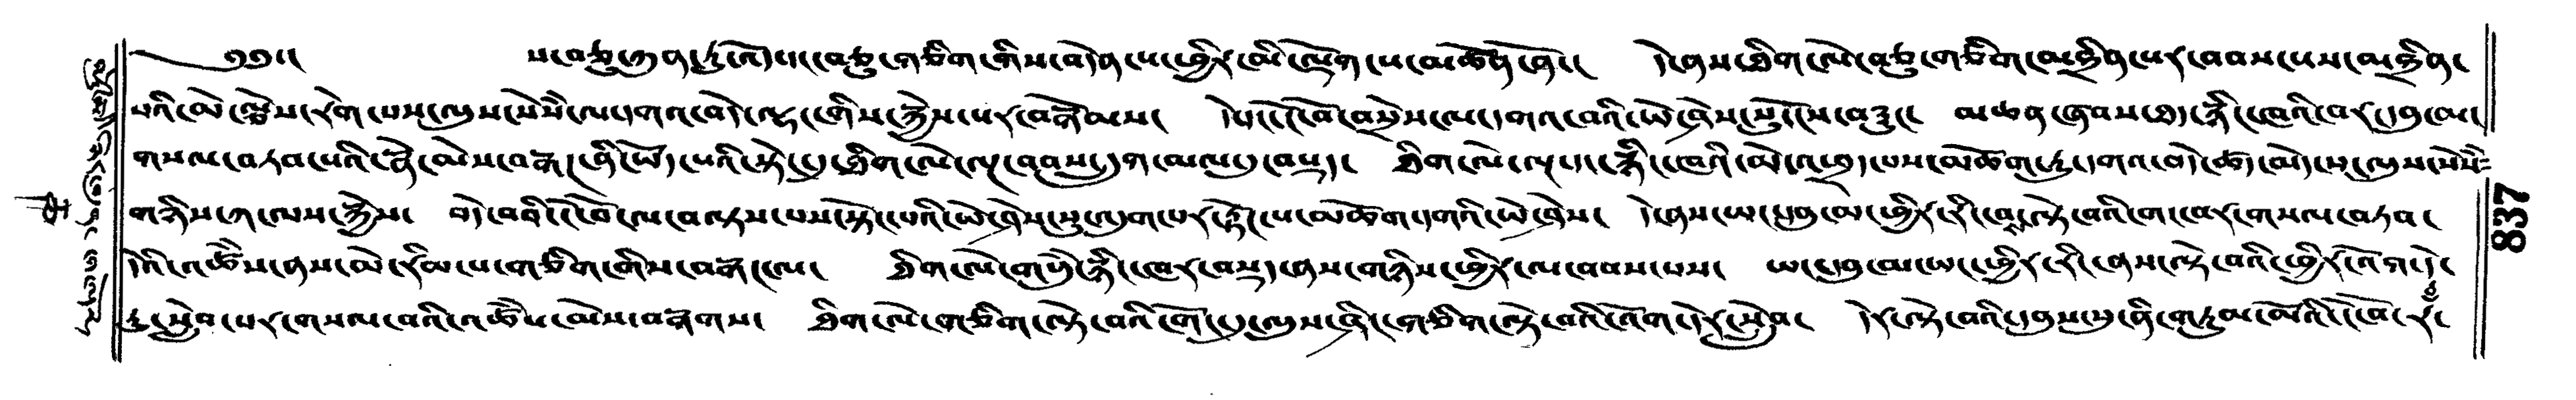ས་བཅུ་ཀུན་ཏུ་འོད་དང་བཅུ་གཅིག་གིས་བདེན་པ་ཕྱིར་མི་ལྡོག་པ་མཚོན་ནོ། དེ་ནས་ཐིག་ལེ་བཅུ་གཅིག་མགྲིན་པར་བབས་པ་མགྲིན་
པའི་མེ་ལྕེས་རེག་པས་ལུས་སེམས་ལ་དགའ་བདེ་ལྷང་གིས་སྐྱེས་པར་བསྒོམ། དེ་དག་ངོ་བོ་བསྲེས་ལ་དགའ་བའི་ཡེ་ཤེས་སུ་ངོས་བཟུང་། མཆན་ཞབས་ཐད་སྙིང་ཁའི་བར་དབུ་མ་
གསལ་བཏབ་པའི་སྣེ་མེས་བསྒགས་ནས་ཡོད་པའི་སྟེང་དུ་ཐིག་ལེ་ལྔ་བབས་དྲུག་མལ་དུ་བསྡད། ཐིག་ལེ་ལྔ་དང་སྙིང་ཁའི་མེ་འཕྲད་པས་མཆོག་ཏུ་དགའ་བདེ་ཚད་མེད་པ་ལུས་སེམས་
གཉིས་ཀ་ལས་སྐྱེས། བདེ་བའི་ངོ་བོ་ལ་བལྟས་པས་སྟོང་པའི་ཡེ་ཤེས་སུ་འདུག་པར་རྟོགས་པ་མཆོག་དགའི་ཡེ་ཤེས།དེ་ནས་ཡང་དབུ་མ་ཕྱིར་རིང་བས་ལྟེ་བའི་གོང་བར་གསལ་བཏབ། 
དེའི་འཚམས་ནས་མེ་རིམ་པ་གཅིག་གིས་བསྒགས་ལ། ཐིག་ལེ་གསུམ་སྙིང་ཁར་བསྡད་ནས་གཉིས་ཕྱིར་ལ་བབས་པས། ཡང་དབུ་མ་ཡང་ཕྱིར་རིང་ནས་ལྟེ་བའི་ཕྱིར་འོག་དེ་
རུ་སླེབས་པར་གསལ་བའི་མཚམས་མེས་བསྒགས། ཐིག་ལེ་གཅིག་ལྟེ་བའི་གོང་དུ་ལུས་ཤིང་གཅིག་ལྟེ་བའི་འོག་དེར་སླེབ། དེར་ལྟེ་བའི་དབུས་སུ་ནི་གཏུམ་མོའི་ངོ་བོ་རྃ་